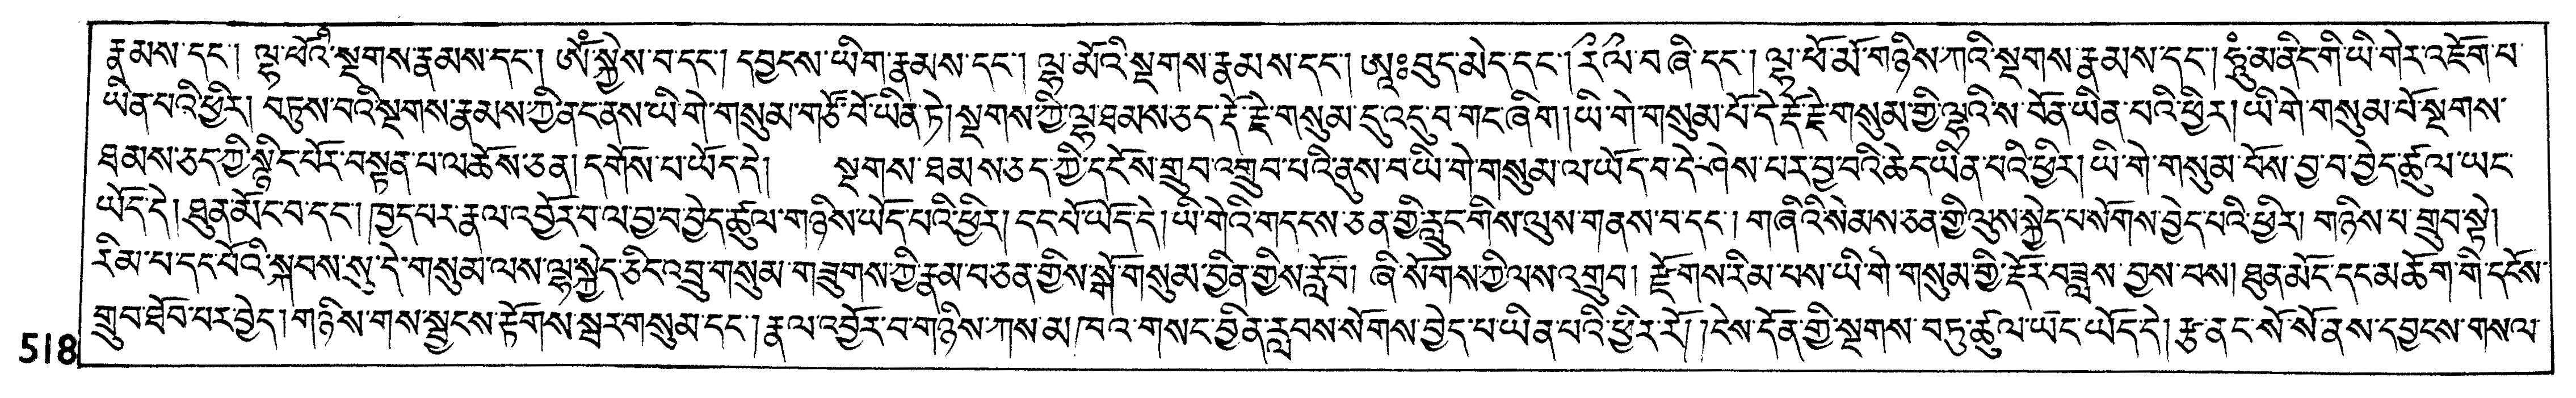རྣམས་དང་། ལྷ་ཕོའི་སྔགས་རྣམས་དང་། ཨོཾ་སྐྱེས་བ་དང་། དབྱངས་ཡིག་རྣམས་དང་། ལྷ་མོའི་སྔགས་རྣམས་དང་། ཨཱཿ བུད་མེད་དང་། རྀ་ལྀ་བཞི་དང་། ལྷ་ཕོ་མོ་གཉིས་ཀའི་སྔགས་རྣམས་དང་། ཧཱུཾ་མ་ནིང་གི་ཡི་གེར་འཇོག་པ་
ཡིན་པའི་ཕྱིར། བཏུས་བའི་སྔགས་རྣམས་ཀྱི་ནང་ནས་ཡི་གེ་གསུམ་གཙོ་བོ་ཡིན་ཏེ། སྔགས་ཀྱི་ལྷ་ཐམས་ཅད་རྡོ་རྗེ་གསུམ་དུ་འདུ་བ་གང་ཞིག །ཡི་གེ་གསུམ་པོ་དེ་རྡོ་རྗེ་གསུམ་གྱི་ལྷའི་ས་བོན་ཡིན་པའི་ཕྱིར། ཡི་གེ་གསུམ་པོ་སྔགས་
ཐམས་ཅད་ཀྱི་སྙིང་པོར་བསྟན་པ་ལ་ཆོས་ཅན། དགོས་པ་ཡོད་དེ། སྔགས་ཐམས་ཅད་ཀྱི་དངོས་གྲུབ་འགྲུབ་པའི་ནུས་བ་ཡི་གེ་གསུམ་ལ་ཡོད་བ་དེ་ཤེས་པར་བྱ་བའི་ཆེད་ཡིན་པའི་ཕྱིར། ཡི་གེ་གསུམ་པོས་བྱ་བ་བྱེད་ཚུལ་ཡང་
ཡོད་དེ། ཐུན་མོང་བ་དང་། ཁྱད་པར་རྣལ་འབྱོར་བ་ལ་བྱ་བ་བྱེད་ཚུལ་གཉིས་ཡོད་པའི་ཕྱིར། དང་པོ་ཡོད་དེ། ཡི་གེའི་གདངས་ཅན་གྱི་རླུང་གིས་ལུས་གནས་བ་དང་། གཞིའི་སེམས་ཅན་གྱི་ལུས་སྐྱེད་པ་སོགས་བྱེད་པའི་ཕྱིར། གཉིས་པ་གྲུབ་སྟེ།
རིམ་པ་དང་པོའི་སྐབས་སུ་དེ་གསུམ་ལས་ལྷ་སྐྱེད་ཅིང་འབྲུ་གསུམ་གཟུགས་ཀྱི་རྣམ་པ་ཅན་གྱིས་སྒོ་གསུམ་བྱིན་གྱིས་རློབ། ཞི་སོགས་ཀྱི་ལས་འགྲུབ། རྫོགས་རིམ་པས་ཡི་གེ་གསུམ་གྱི་རྡོར་བཟླས་བྱས་པས། ཐུན་མོང་དང་མཆོག་གི་དངོས་
གྲུབ་ཐོབ་པར་བྱེད། གཉིས་གས་སྦྱངས་རྟོགས་སྦར་གསུམ་དང་། རྣལ་འབྱོར་བ་གཉིས་ཀས་མཁའ་གསང་བྱིན་རླབས་སོགས་བྱེད་པ་ཡིན་པའི་ཕྱིར་རོ། །ངེས་དོན་གྱི་སྔགས་བཏུ་ཚུལ་ཡང་ཡོད་དེ། རྩ་ནང་སོ་སོ་ནས་དབྱངས་གསལ་